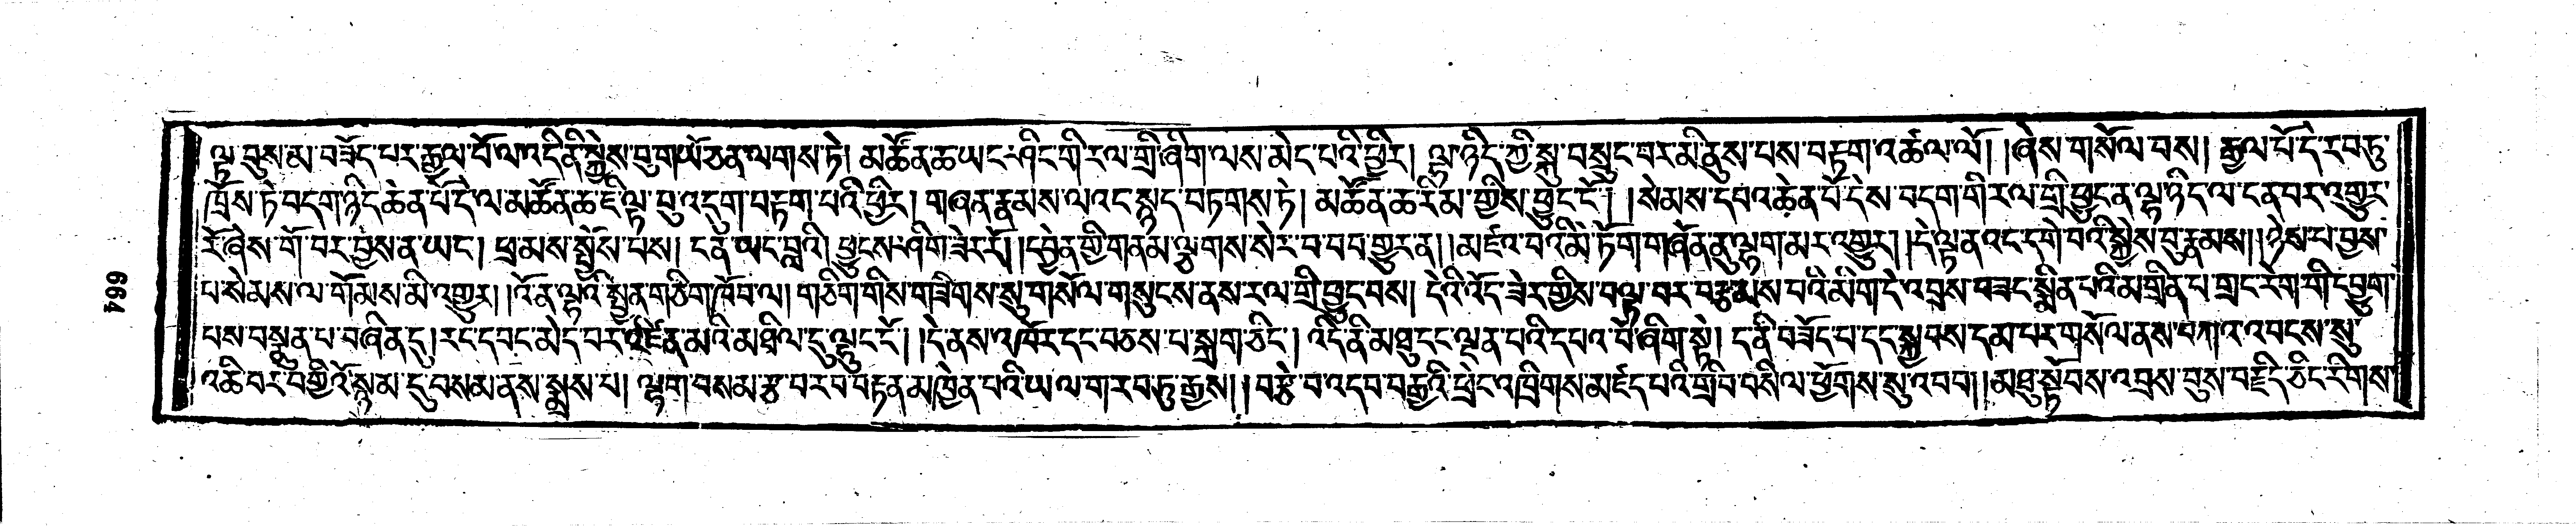ལྟ་བུས་མ་བཟོད་པར་རྒྱལ་པོ་ལ་འདི་ནི་སྐྱེས་བུ་གཡོ་ཅན་ལགས་ཏེ། མཚོན་ཆ་ཡང་ཤིང་གི་རལ་གྲི་ཞིག་ལས་མེད་པའི་ཕྱིར། ལྷ་ཉིད་ཀྱི་སྐུ་བསྲུང་བར་མི་ནུས་པས་བརྟག་འཚལ་ལོ། །ཞེས་གསོལ་བས། རྒྱལ་པོ་དེ་རབ་ཏུ་
ཁྲོས་ཏེ་བདག་ཉིད་ཆེན་པོ་དེ་ལ་མཚོན་ཆ་ཇི་ལྟ་བུ་འདུག་བརྟག་པའི་ཕྱིར། གཞན་རྣམས་ལའང་སྙད་བཏགས་ཏེ། མཚོན་ཆ་རིམ་གྱིས་ཕྱུང་ངོ། །སེམས་དཔའ་ཆེན་པོ་དེས་བདག་གི་རལ་གྲི་ཕྱུང་ན་ལྷ་ཉིད་ལ་ངན་པར་འགྱུར་
རོ་ཞེས་གོ་བར་བྱས་ན་ཡང་། ཕྲ་མས་སྤྱོས་པས། ངན་ཡང་བླའི། ཕྱུངས་ཤིག་ཟེར་རོ། །དབྱེན་གྱི་གནམ་ལྕགས་སེར་བ་བབ་གྱུར་ན། །མཛའ་བའི་མེ་ཏོག་གཞོན་ནུ་ལྷག་མར་འགྱུར། །དེ་ལྟ་ནའང་དགེ་བའི་སྐྱེས་བུ་རྣམས། །ཉེས་པ་བྱས་
པ་སེམས་ལ་གོམས་མི་འགྱུར། །འོ་ན་ལྷའི་སྤྱན་གཅིག་ཁོབ་ལ། གཅིག་གིས་གཟིགས་སུ་གསོལ་གསུངས་ནས་རལ་གྲི་ཕྱུང་བས། དེའི་འོད་ཟེར་གྱིས་བལྟ་བར་བརྩམས་པའི་མིག་དེ་འབྲས་བཟང་སྨིན་པའི་མགྲིན་པ་གྲང་རེག་གི་དབྱུག་
པས་བསྣུན་པ་བཞིན་དུ། རང་དབང་མེད་པར་འཛིན་མའི་མཐིལ་དུ་ལྷུང་ངོ། །དེ་ནས་འཁོར་དང་བཅས་པ་སྐྲག་ཅིང་། འདི་ནི་མཐུ་དང་ལྡན་པའི་དཔའ་བོ་ཞིག་སྟེ། ད་ནི་བཟོད་པ་དང་སྐྱབས་དམ་པར་གསོལ་ནས་བཀའ་འབངས་སུ་
འཆི་བར་བགྱིའོ་སྙམ་དུ་བསམ་ནས་སྨྲས་པ། ལྷག་བསམ་རྩ་བ་རབ་བརྟན་མཁྱེན་པའི་ཡལ་ག་རབ་ཏུ་རྒྱས། །བརྩེ་བ་འདབ་བརྒྱའི་ཕྲེང་འཁྲིགས་མཛད་པའི་གྲིབ་བསིལ་ཕྱོགས་སུ་འབབ། །མཐུ་སྟོབས་འབྲས་བུས་བརྗིད་ཅིང་རིགས་